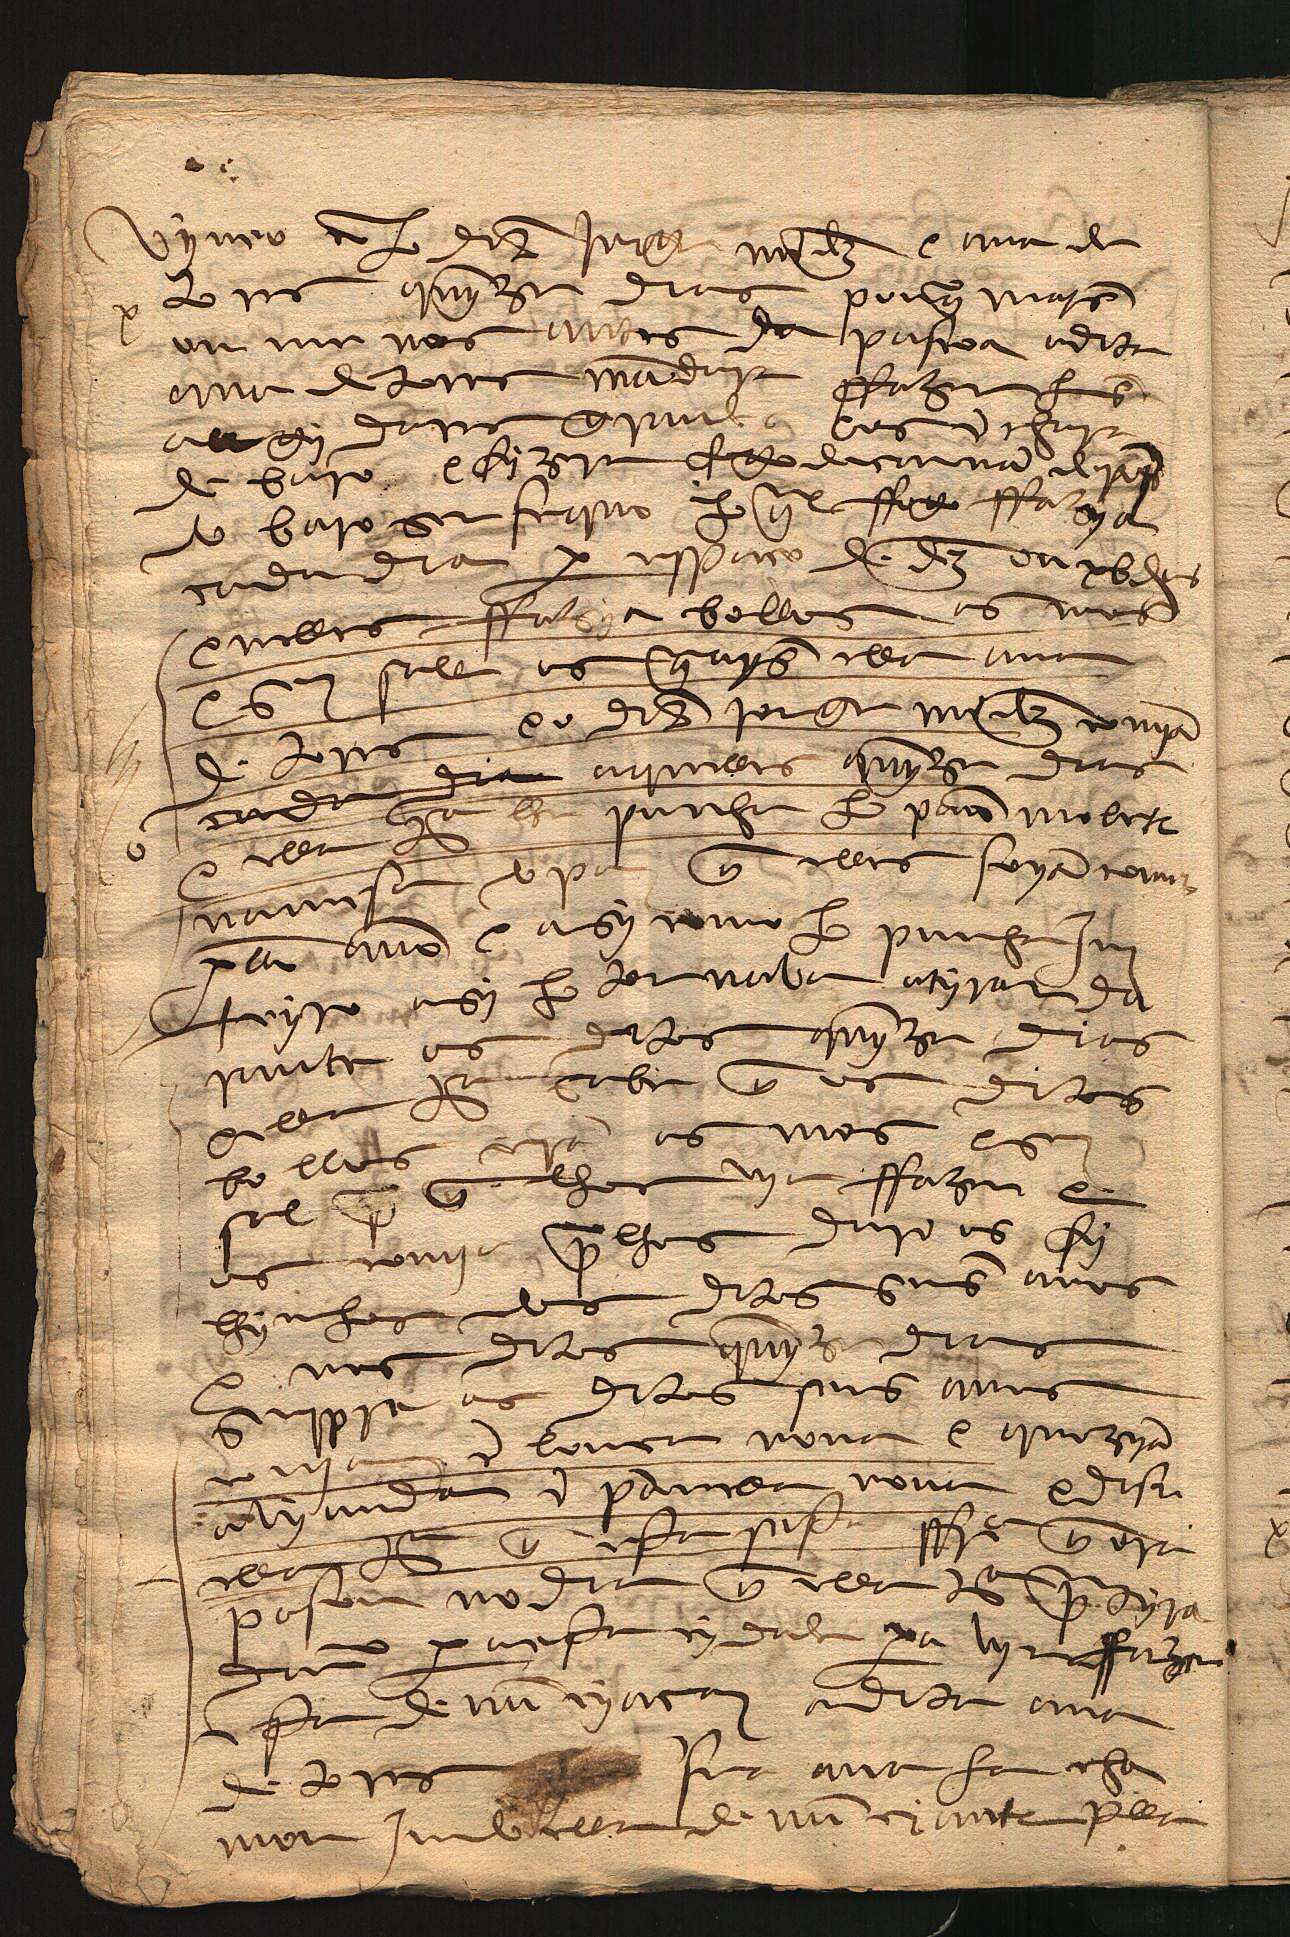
vyueo c̄o ho dito Jorge mēdez e ana de
tores quȳze dias pouqo majs
ou menos antes da pascoa a dita
ana de tores mādara ffazer hūs
allgydares grande e os ēchera
de baro e fyzera fogo de caruā depojs
do baro ser sequo ho q̄l ffogo ffazya
cada dia ꝑ espaco de dez ou xb djas
e nelles fazia bollos asmos
e sem sall os q̄ays ella ana
de tores e o dito jorge mēdez comjā
cada dia aquelles quȳze dias
e ella tsa lhe punha ho paõ molete
na mesa do pam q̄ elles soyā comer
p̄llo an̄o e asy como ho punha Jm
teyro asy ho tornava a tyrar du
rante os ditos quȳze dias
e ella tsa sabe q̄ os ditos
bollos erā asmos e sem
sal p̄oq̄ lhos vya ffazer e
os comja p̄o lhos darē os fy
lhynhos dos ditos seus amos
e nos ditos quȳze dias
sempre os ditos seus amos
comjam ē louça noua e quoziā
a vyanda ē panella noua e dise
ella tsa q̄ esta sesta ffra q̄ ora
pasou no dia q̄ ella tsa p̄tyra
dauo ꝑa esta cydade ꝑa vyr ffazer
esta denūcyaçam a dita ana
de tores
sua ama ha cha
mou Jndo ella denūcyante pella
